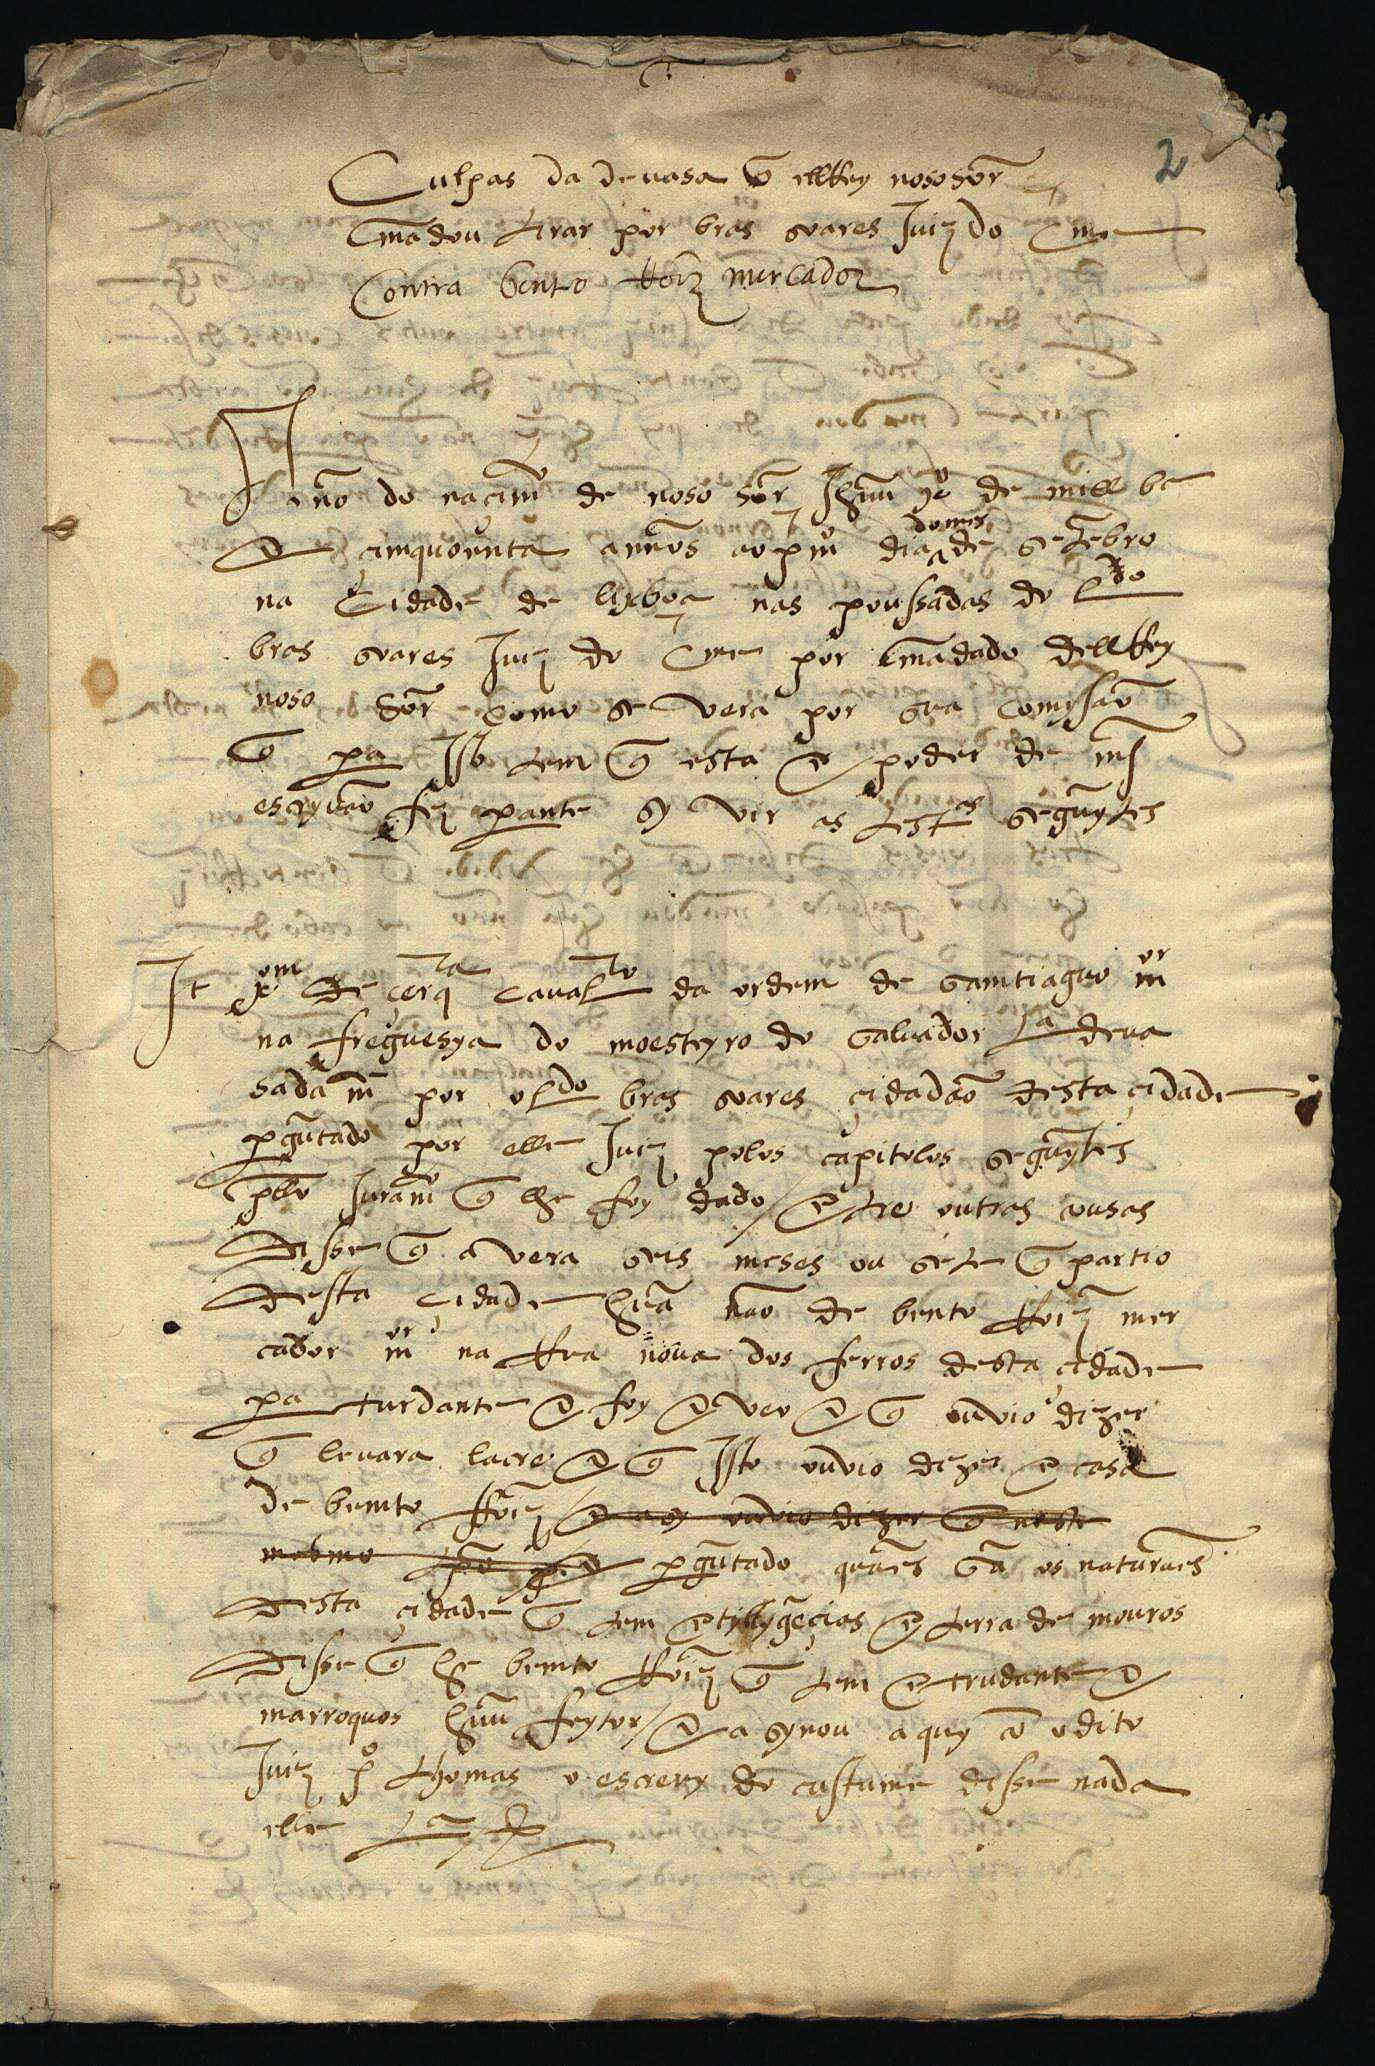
culpas da deuasa q̄ ell Rey noso so̅r
mādou tirar por bras soares Juiz do crime
Contra bento Rōiz mercador
An̄o do naçimto de noso sōr Jhu̅u xo de mill bc
do mes
e cimquoenta ann̄os ao prmo dia de setēbro
na Cidade de lixboa nas poussadas do ldo
bras soares Juiz do Cme por m̄adado dell Rey
noso so̅r como se vera por sua comisaō
q̄ ꝑa Iso tem q̄ esta e̅ poder de mj̄
escryuão fez ꝑante sy vir as testas seguȳtes
Jt
Jom de cerqra caualro da ordem de samtiaguo mor
na freguesya do moesteyro do saluador ta deua
sadamte por o Ldo bras soares cidadão desta çidade
ꝑḡutado por elle Juiz polos capitolos segūytes
p̄llo Juramto q̄ lhe foy dado / e̅tre outras cousas
disse q̅ avera seis meses ou sete q̄ partio
desta çidade hu̅a n̄ao de bento Roiz̄ mer
cador mor na Rua noua dos ferros desta cidade
ꝑa turdante e foy e veo e q̅ ouvio dizer
q̄ leuara lacre e q̅ Jsto ouvio dizer ē casa
de bemto Roīz _
_ e ꝑgūtado quāes sa̅ os natur̄aes
desta cidade q̅ tem e ētyllygēcias ē terra de mouros
disse q̄ he bemto Roiz q̄ tem ē trudante e
marroquos hu̅u feytor / e asynou aquy cō o dito
Juiz po thomas o escreuy do custume disse nada
elle ta
2
